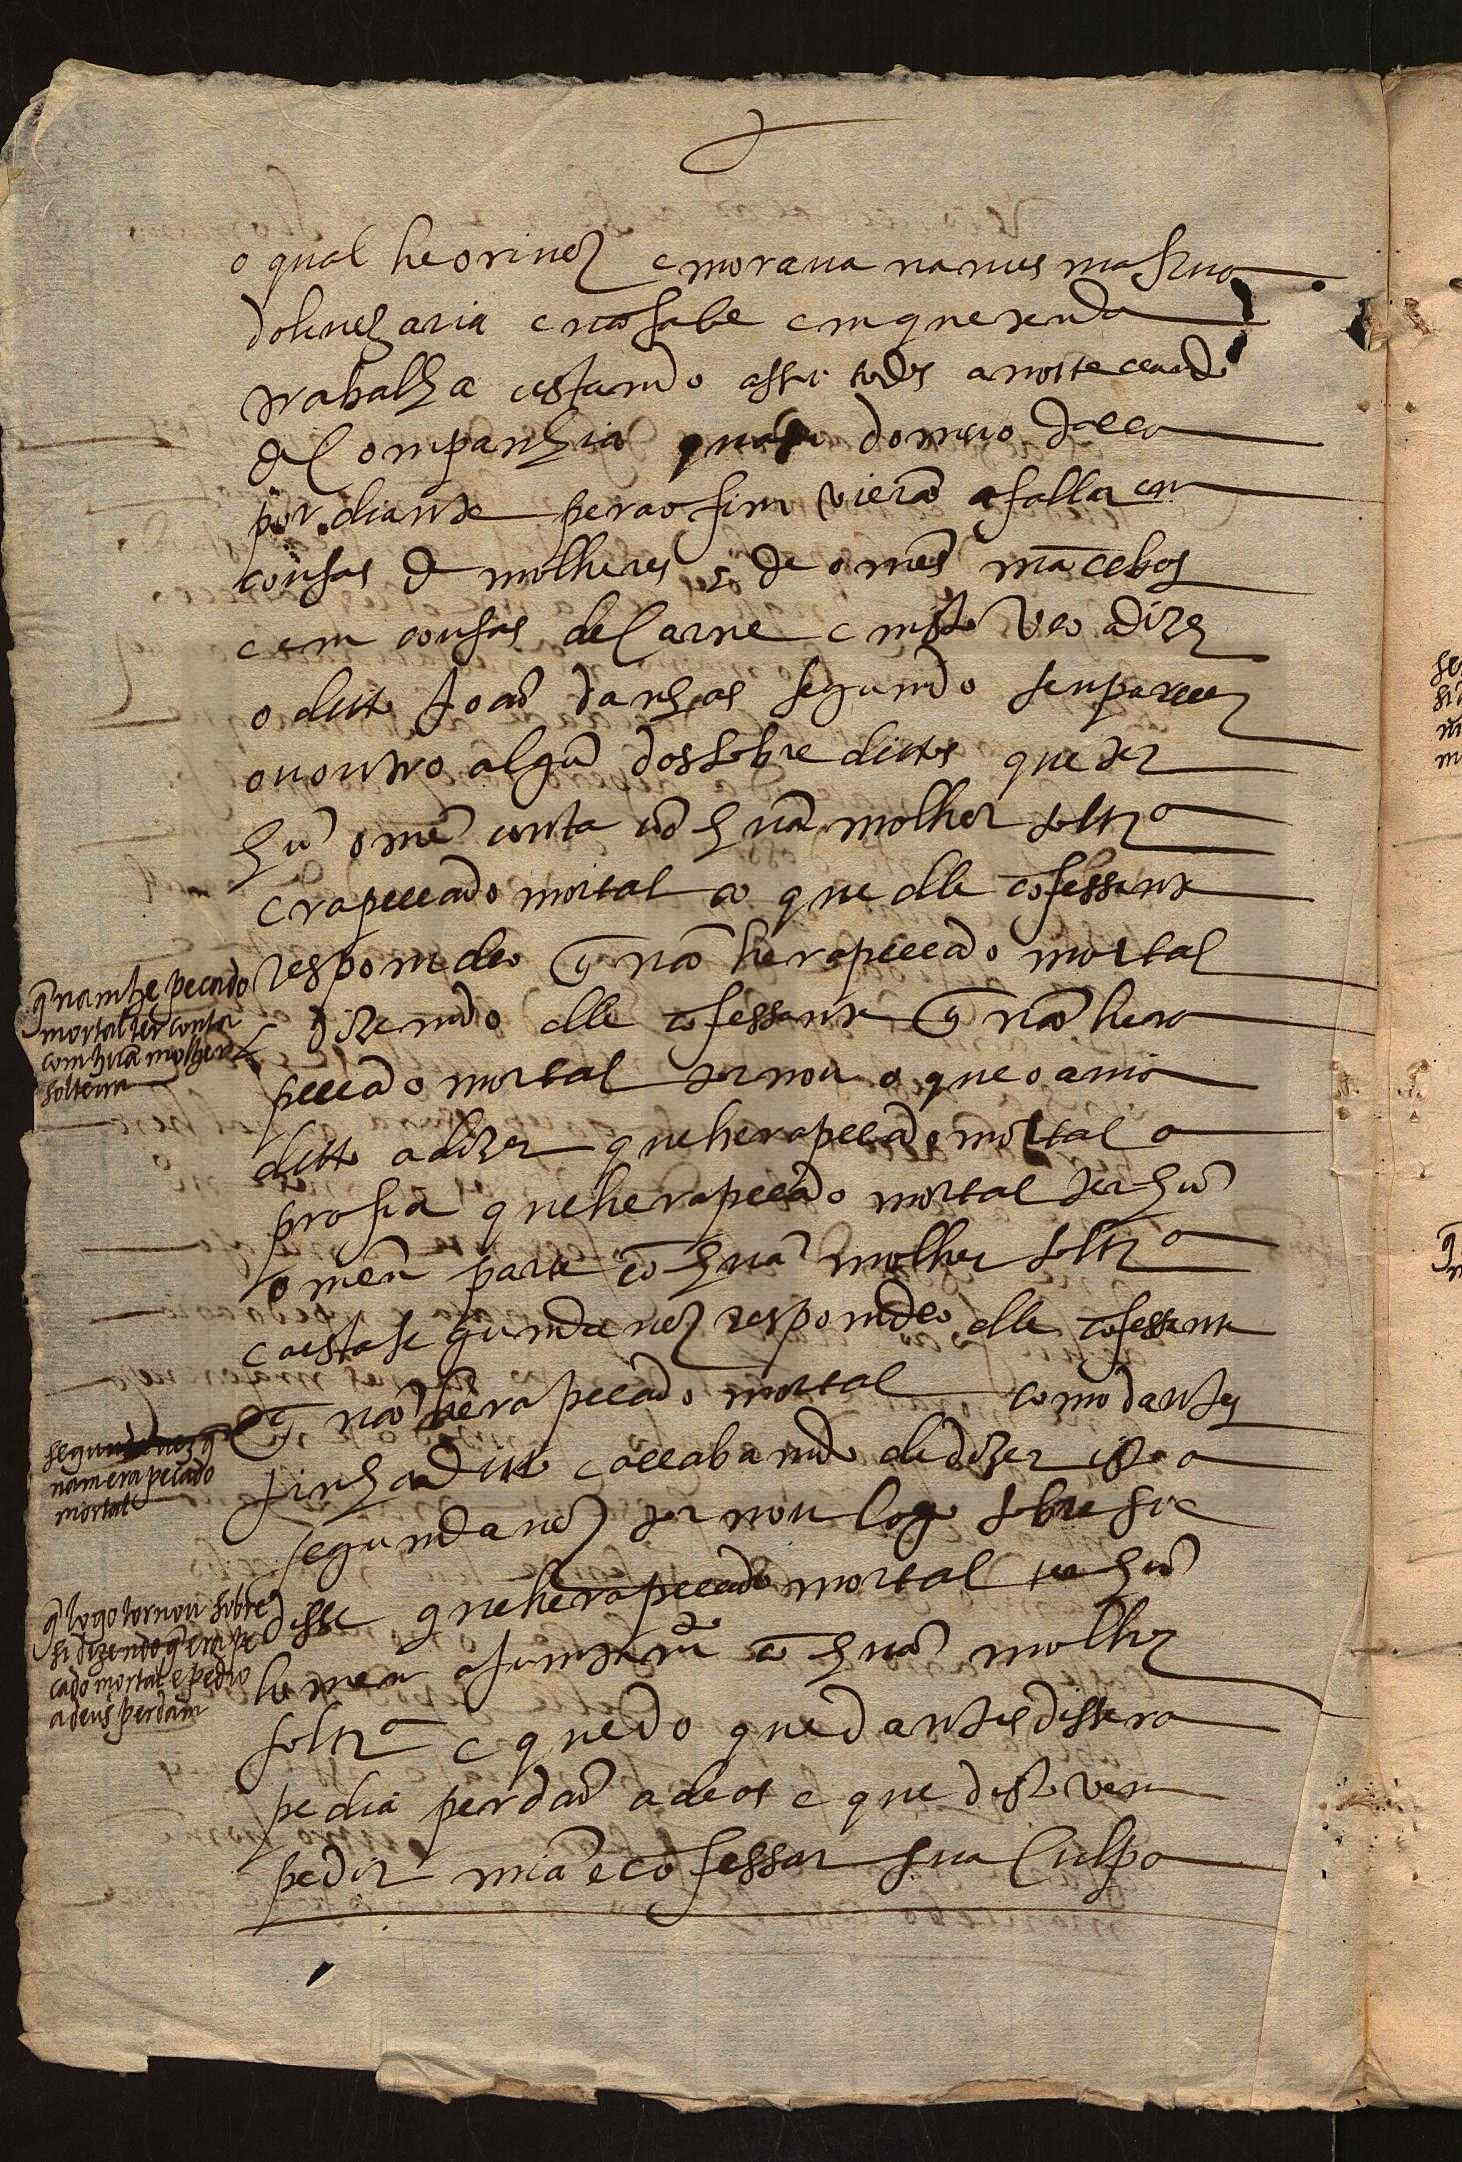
o qual he oriuez e moraua na mesma Rua
doliuezaria e nā sabe em que tenda
trabalha e estando assi todos a noite ceando
de Companhia quase do meio della
por diante pera o fim vierão a fallar em
cousas de molheres E de omēs mācebos
e em cousas de Carne e nisto veo a dizer
o ditto Joaõ danhas segundo seu parecer
ou outro algū dos sobredittos que ter
hū omē conta cō huā molher soltra
era peccado mortal ao que elle cōfessante
respomdeo q̄ naõ hera peccado mortal
q̄ nam he pecado
mortal ter conta
com huā molher
solteira
E dizendo elle c̄ofessante q̄ não hera
peccado mortal tornou o que o auia
ditto a dizer que hera pecado mortal a
profia que hera pecado mortal ter hū
omēn parte cō huā molher soltra
e a esta segunda uez respomdeo elle cōfessente
q̄ naõ hera pecado mortal como dantes
segunda uez q̄
nam era pecado
mortal
tinha ditto e accabando de dizer isto a
segunda uez tornou logo sobre si e
disse que hera pecado mortal ter hū
q̄ logo tornou sobre
si dizendo q̄ era pe
cado mortal e pedio
a deus perdam
homem aJumtamto cō huā molher
soltra e que do que dantes dissera
pedia perdaõ a deos e que disto vem
pedir miā e cōfessar sua Culpa
